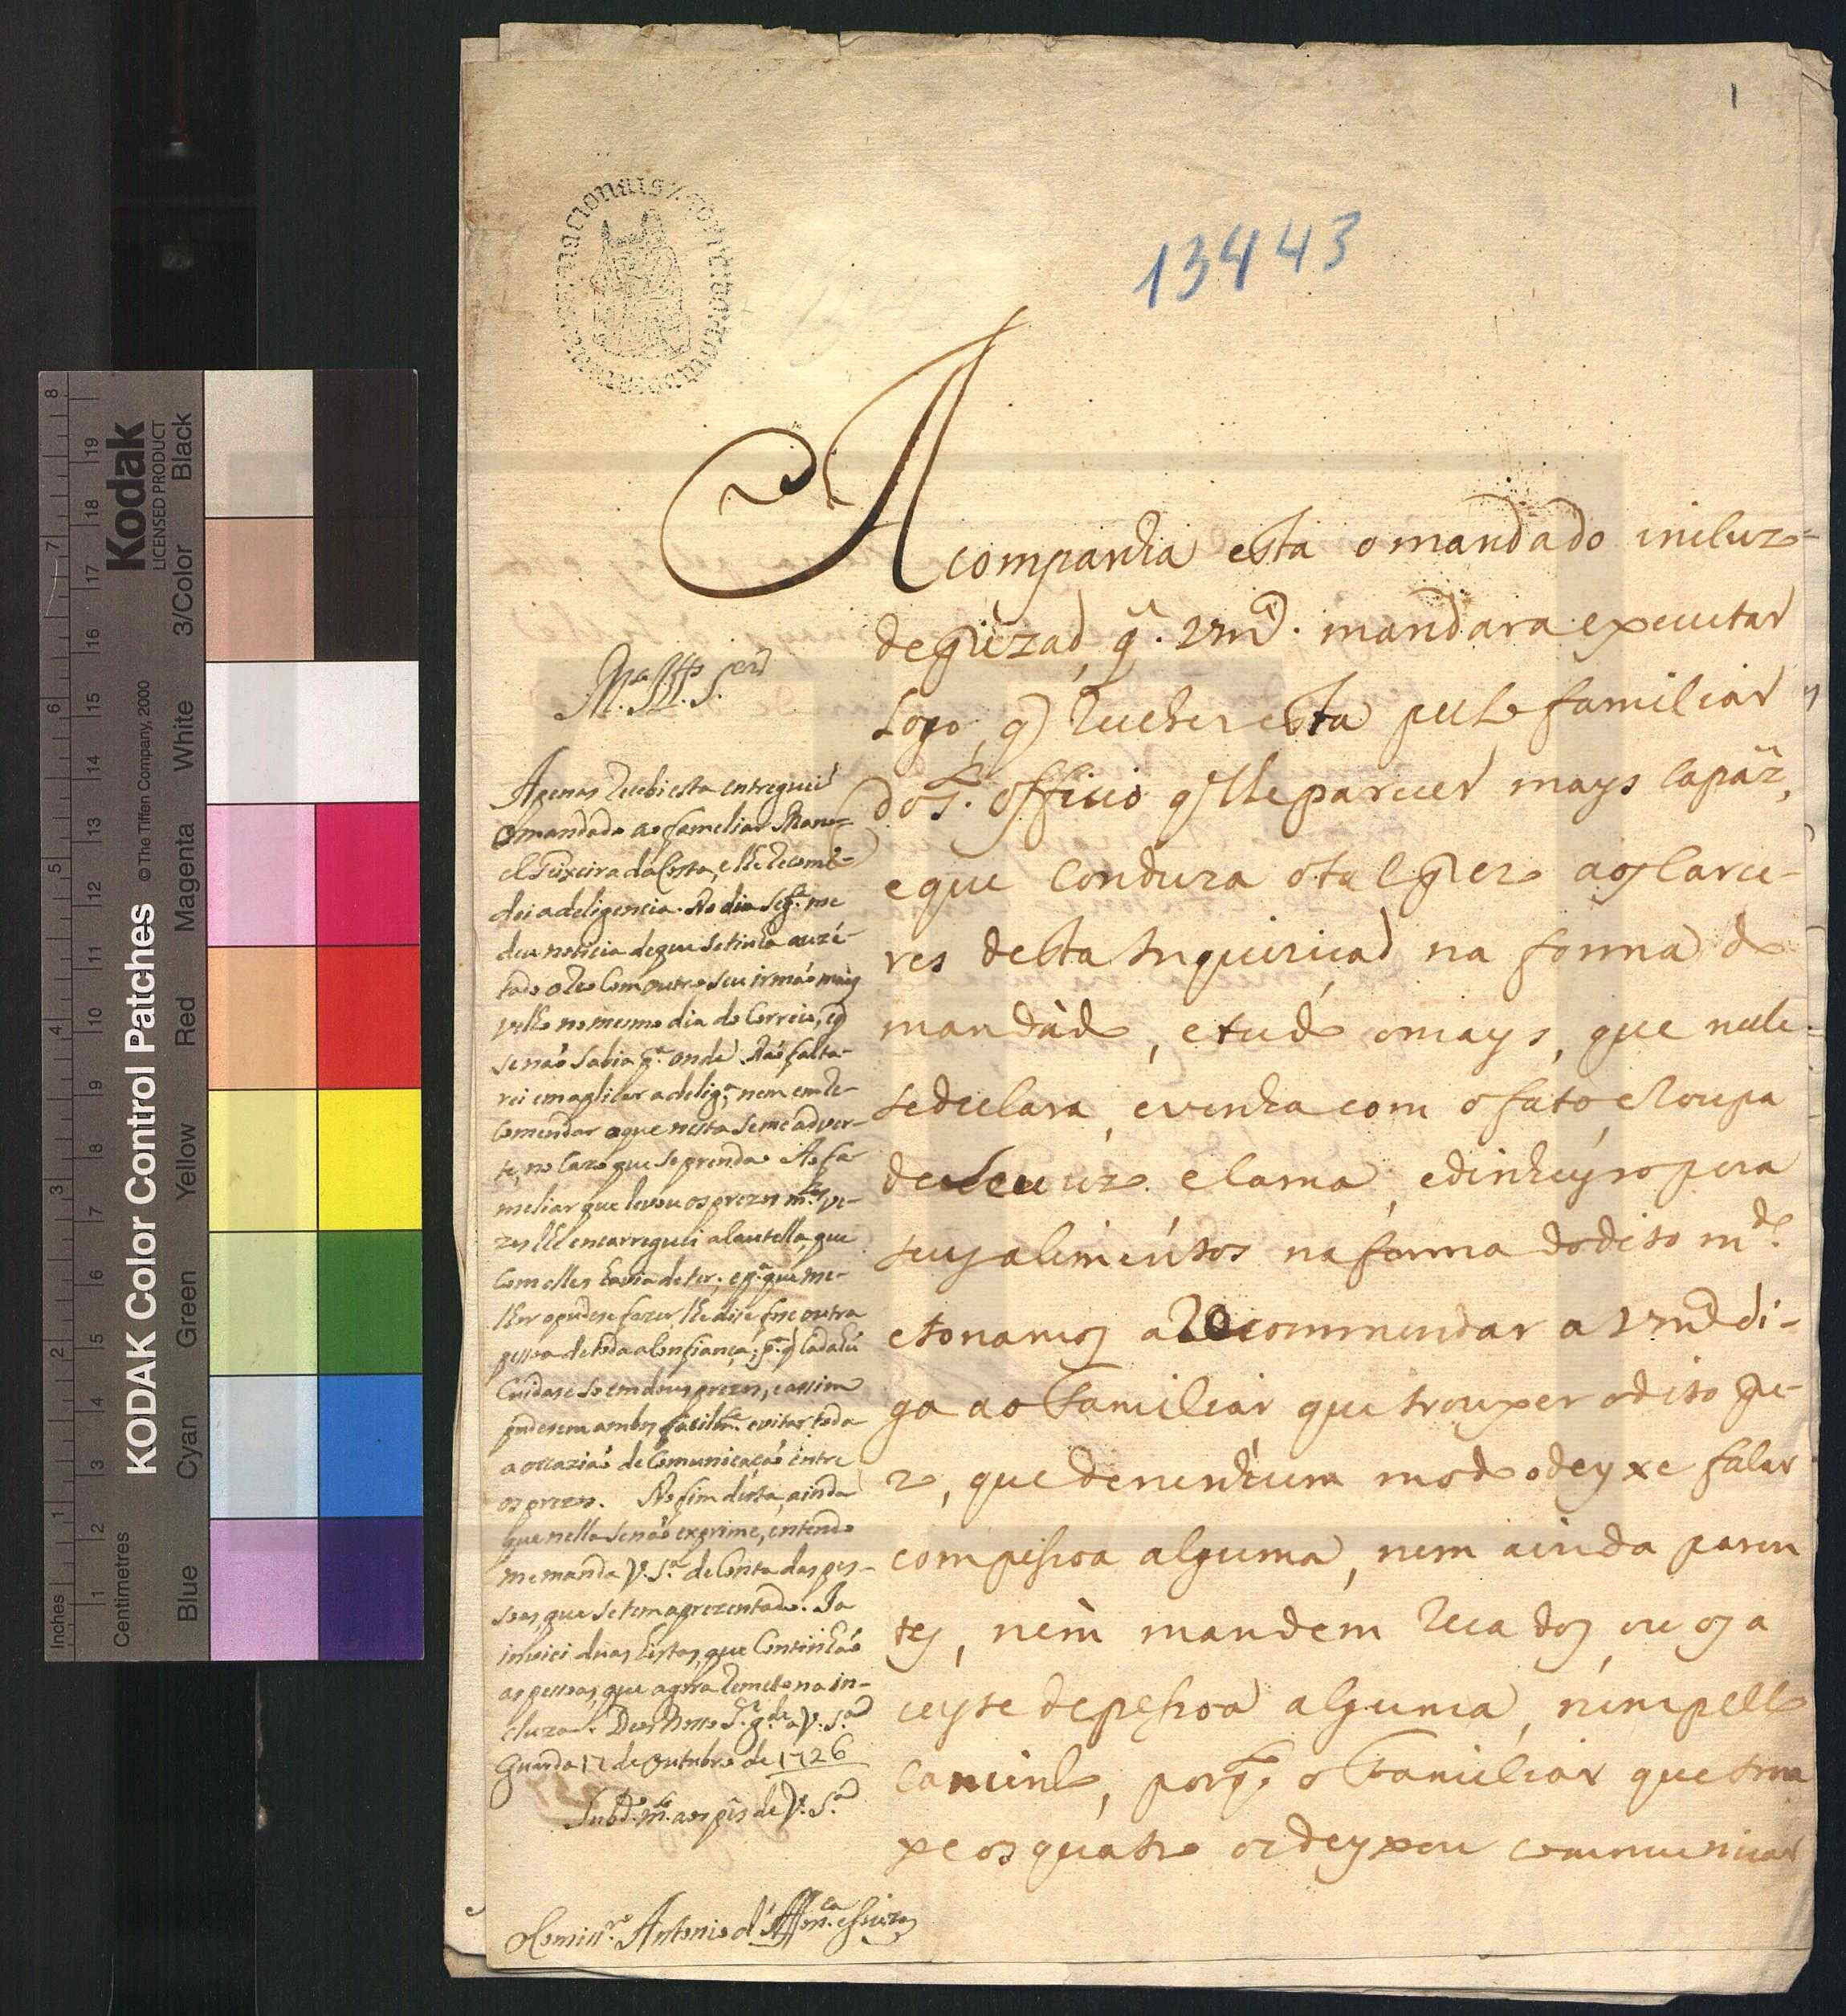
Acompanha esta o mandado incluzo
de prizaõ, q̄. v mce. mandara executar
Logo q̄ Receber esta pello familiar
do s.to officio q̄ lhe parecer mays capâz,
e que conduza o tal prezo aos carce
res desta Inquiziçaõ na forma do
mandàdo, e tudo o mays, que nelle
se declara, e venha com o fato e Roupa
de Seu uzo e cama, e dinheyro pera
seus alimentos na forma do dito mdo
e t̄onamos a Recommendar a v m.ce di
ga ao Familiar que trouxer o dito pre
zo, que de nenhum modo o deyxe falar
com pessoa alguma, nem ainda paren
tes, nem mandem Recados, ou os a
ceyte de pessoa alguma, nem pello
caminho, porqto o Framiliar que trou
xe os quatro os deyxou communicar
M.to Ilt.s S.res
Apenas Recebi esta entreguei
O mandado ao familiar Mano
el Teixeira da Costa, e lhe Recomē
dei a deligencia. No dia seg.te me
deu noticia de que se tinha auzē
tado o Reo Com outro seu irmaõ mais
velho no mesmo dia do Correio, e q̄
se naõ sabia p.a onde Naõ falta
rei em aplicar a dilig.a, nem em Re
comendar o que nesta se me adver
te, no cazo que se prenda Ao fa
meliar que levou os prezos m.tas ve
zes lhe encarreguei a Cautella, que
com elles havia de ter; e p.a que me
lhor o pudese fazer, lhe dise fose outra
pessoa de toda a Confiança; p.a q̄ Cada hū
Cuidase so em dous prezos, e assim
pudesem ambos facilm.te evitar toda
a occaziaõ de comunicaçaõ entre
os prezos. No fim desta, ainda
que nella senaõ exprime, entendo
me manda V. S.a de Conta das pes
soas, que se tem aprezentado. Ia
inviei duas Listas, que Continhaõ
as pessoas, que agora Remeto na in
cluza. Deos Nosso S.or g.de a V. S.a
Guarda 17 de Outubro de 1726
Subd.o m.to aos pês de V. S.a
O Comiss.ro Antonio d'Affon.ca e souza
